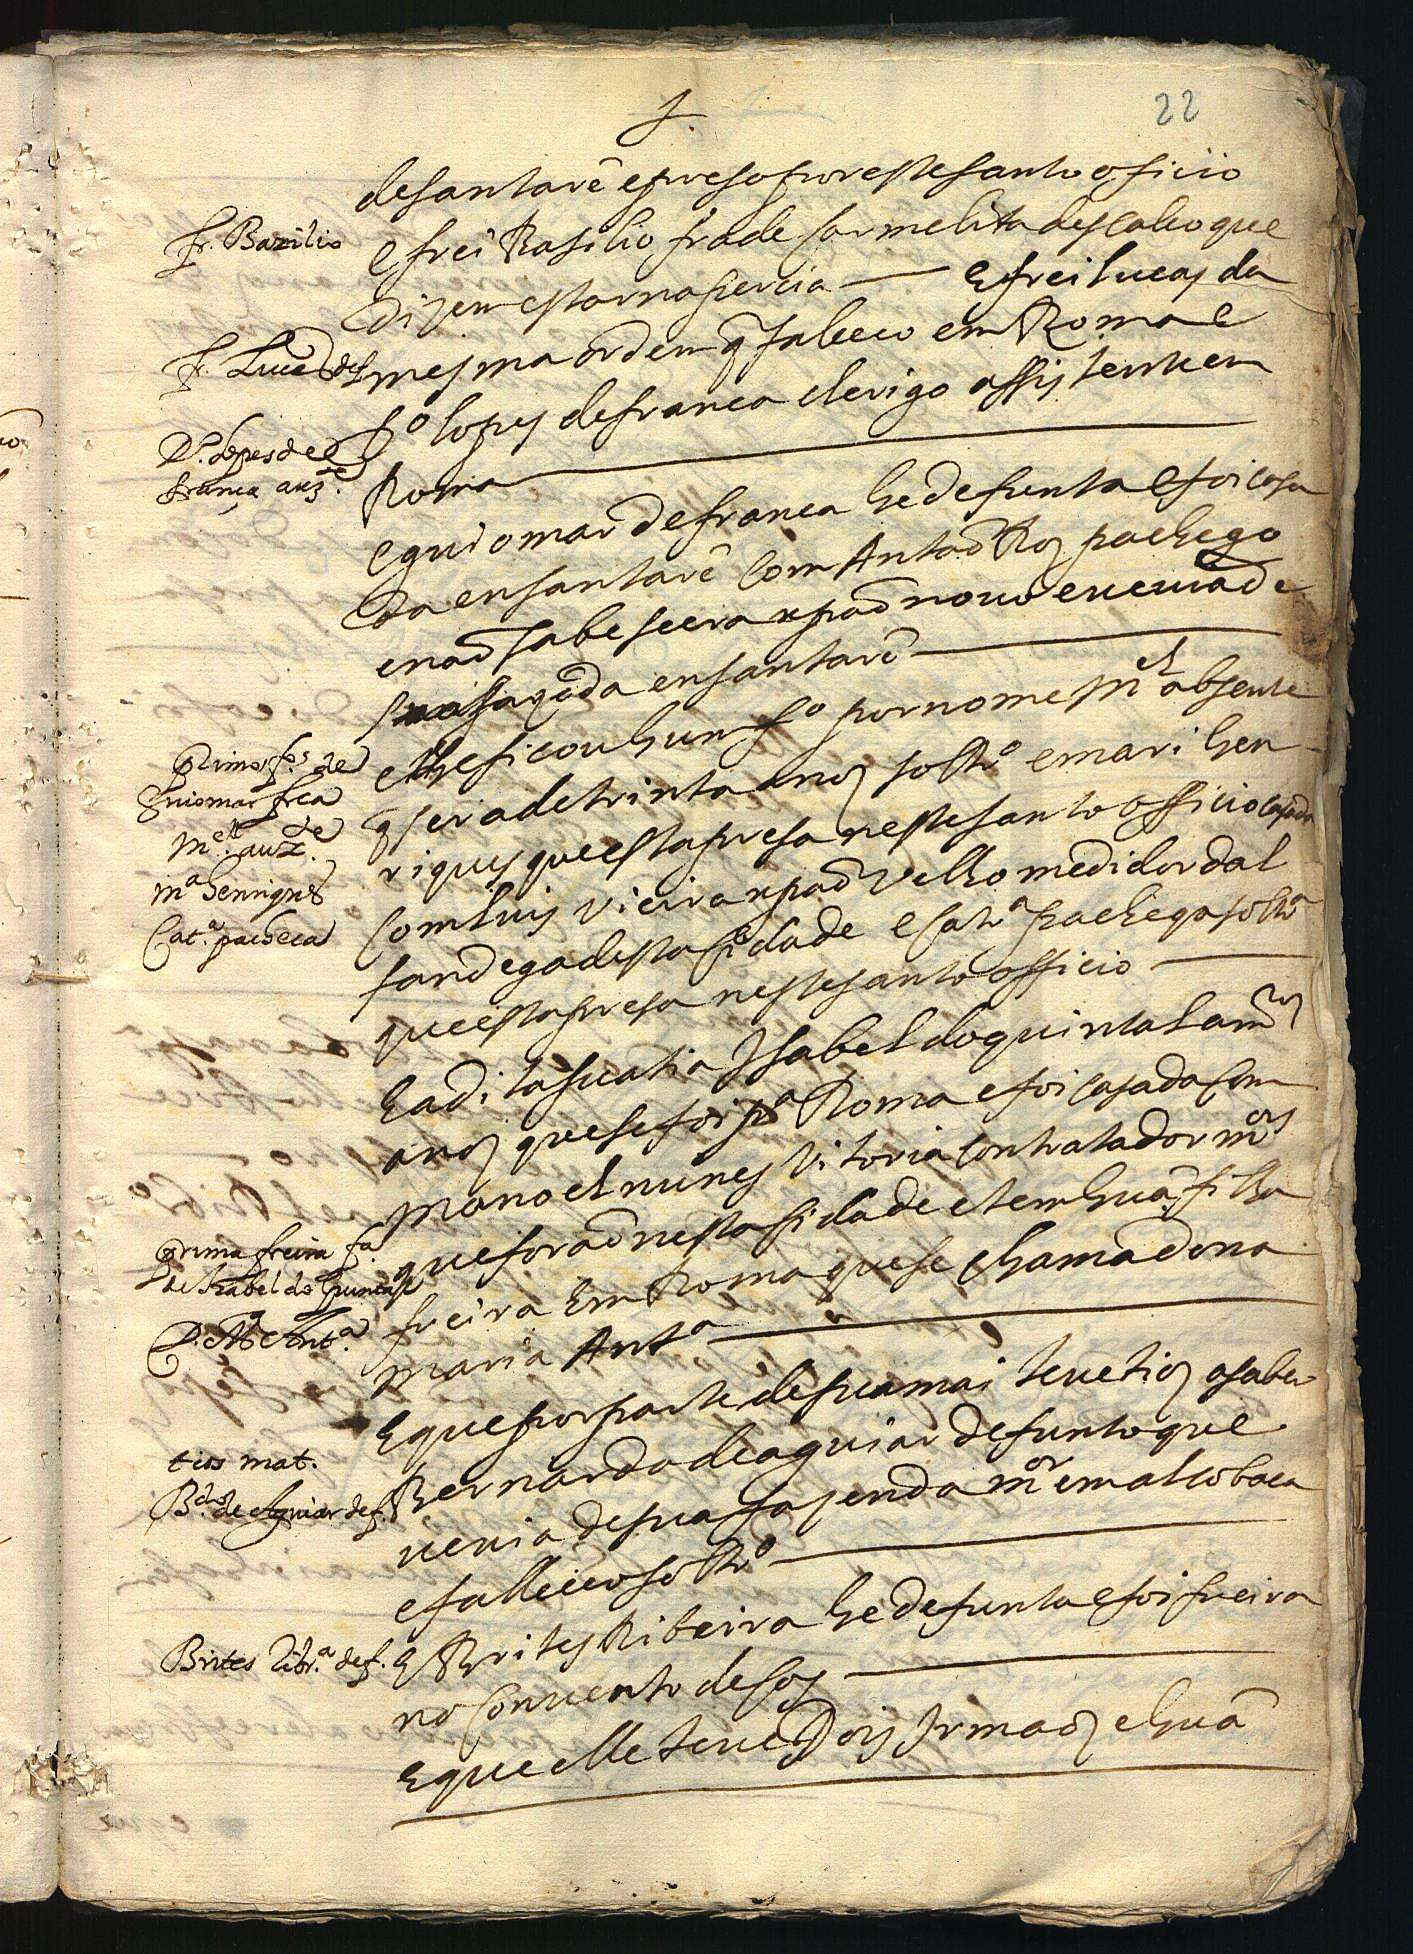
de santarē e preso por este santo oficio
e frei Basilio frade Carmelita descalco que
dizem estar na percia - E frei lucas da
mesma ordem q̄ faleceo em Roma e
Do lopes de franca clerigo assistente em
Roma
e guiomar de franca he defunta e foi casa
da en santarē Com Antaõ Roz pacheco
e naõ sabe se era xpaõ nouo e ueuia de
sua fazēda en santarē
e lhe ficou hum fo por nome mel absente
q̄ seria de trinta anos soltro e marihen
riques que esta presa neste santo officio casada
Com luis vieira xpaõ velho medidor dal
fandega dessa Cidade e Catra pacheqa, soltra
que esta presa neste santo officio
E a dita sua tia Jsabel do quintal a mtos
anos que se foi pa Roma e foi casada Com
manoel nunes vitoria contratador mors
que foraõ nesta Cidade e tem huā filha
freira Em Roma que se chama dona
maria Anta
E que por parte de sua mai teue tios a saber
Bernardo de aguiar defunto que
ueuia de sua fazenda mor em alcobaca
e faleceo soltro
E Brites Ribeira he defunta e foi freira
no Conuento de Cos
E que elle teue Dois Jrmaõs e huā
fr. Bazilio
fr. Lucas def
D.o Lopes de
frança auz.te
primos f.os de
Guiomar frca
mel. auz.te
ma henriques
Cat.a pacheca
prima freira fa.
de Izabel do Quintal
D. Ma Ant.a
tios mat.
B.do de Aguiar def.
Brites Ribr.a def.
